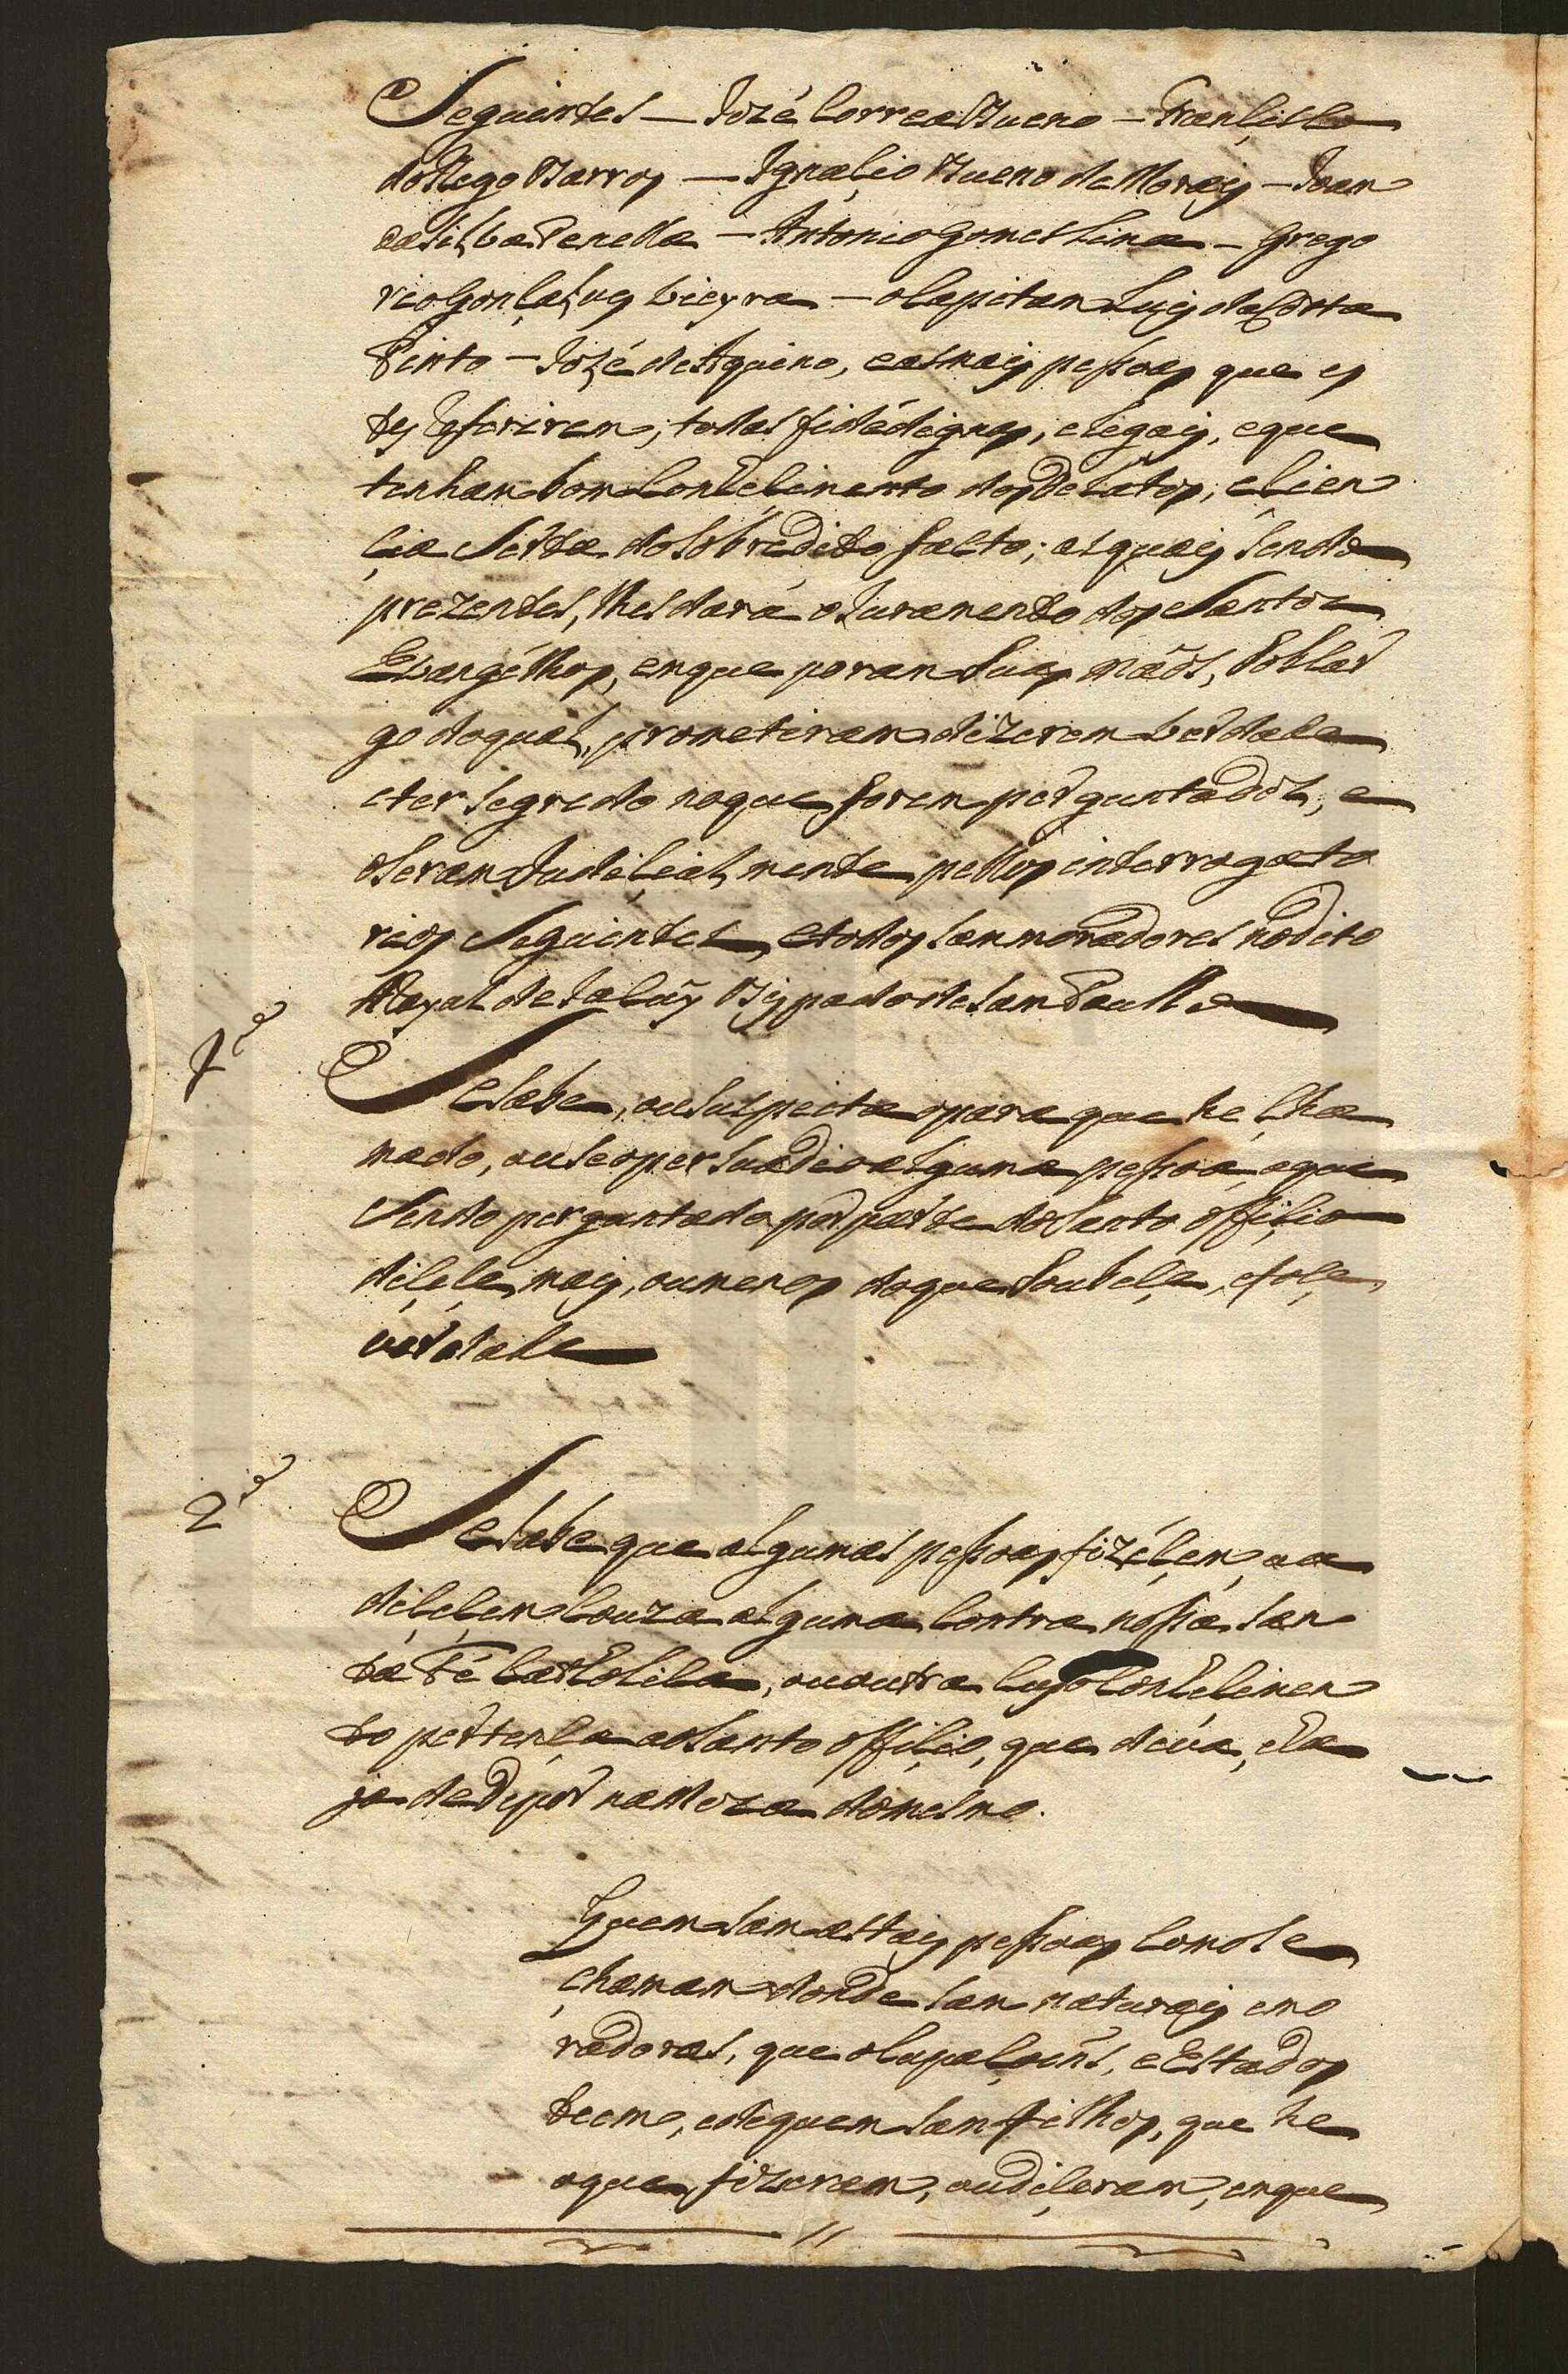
1o
2o
Seguintes — Iozé Correa Bueno — FranÇisCo
do Rego Barros — IgnaÇio Bueno Morais — Ioam
da Silva Penella — Antonio Gomes Lima — Grego
rio GonÇalves Vieyra — o Capitam Luis da Costa
Pinto — Iozé de Aquino, e as mais pessoas que es
tes Referirem, todas fidédignas, e legais, e que
tenham bom ConheÇimento dos Delatos, e Çien
Çia Serta do sobredito facto; as quaes sendo
prezentes, lhes dará o Iuramento dos Santos
Evangélhos, em que poram Suas maõs, Sob Car
go do qual, prometiram dizerem verdade
e ter segredo no que forem perguntadoz, e
o seram IudiÇialmente pellos interrogato
rios Seguintes e todos sam moradores no dito
ARayal de IaCuŷ Bispado de Sam Paullo
Se sabe, ou suspeita para que he Çha
mado, ou se o persuadio alguma pessoa, a que
sendo perguntado por parte do Santo offiÇio
diÇeÇe mais, ou menos do que SoubeÇe, e foÇe
verdade
Se sabe que algumas pessoas fizéÇem, ou
diÇeÇem Couza alguma Contra nossa san
ta Fé CathoLiCa, ou outra Cujo ConheÇimen
to pertenÇa ao Santo offiÇio, que deva, e ha
ja de depor na Meza do mesmo.
Quem sam as tais pessoas Como se
çhamam donde sam naturais e mo
radoras, que oCupaÇoen̄s, e Estados
teem, e de quem sam filhos, que he
o que fizeram, ou diÇeram, em que
